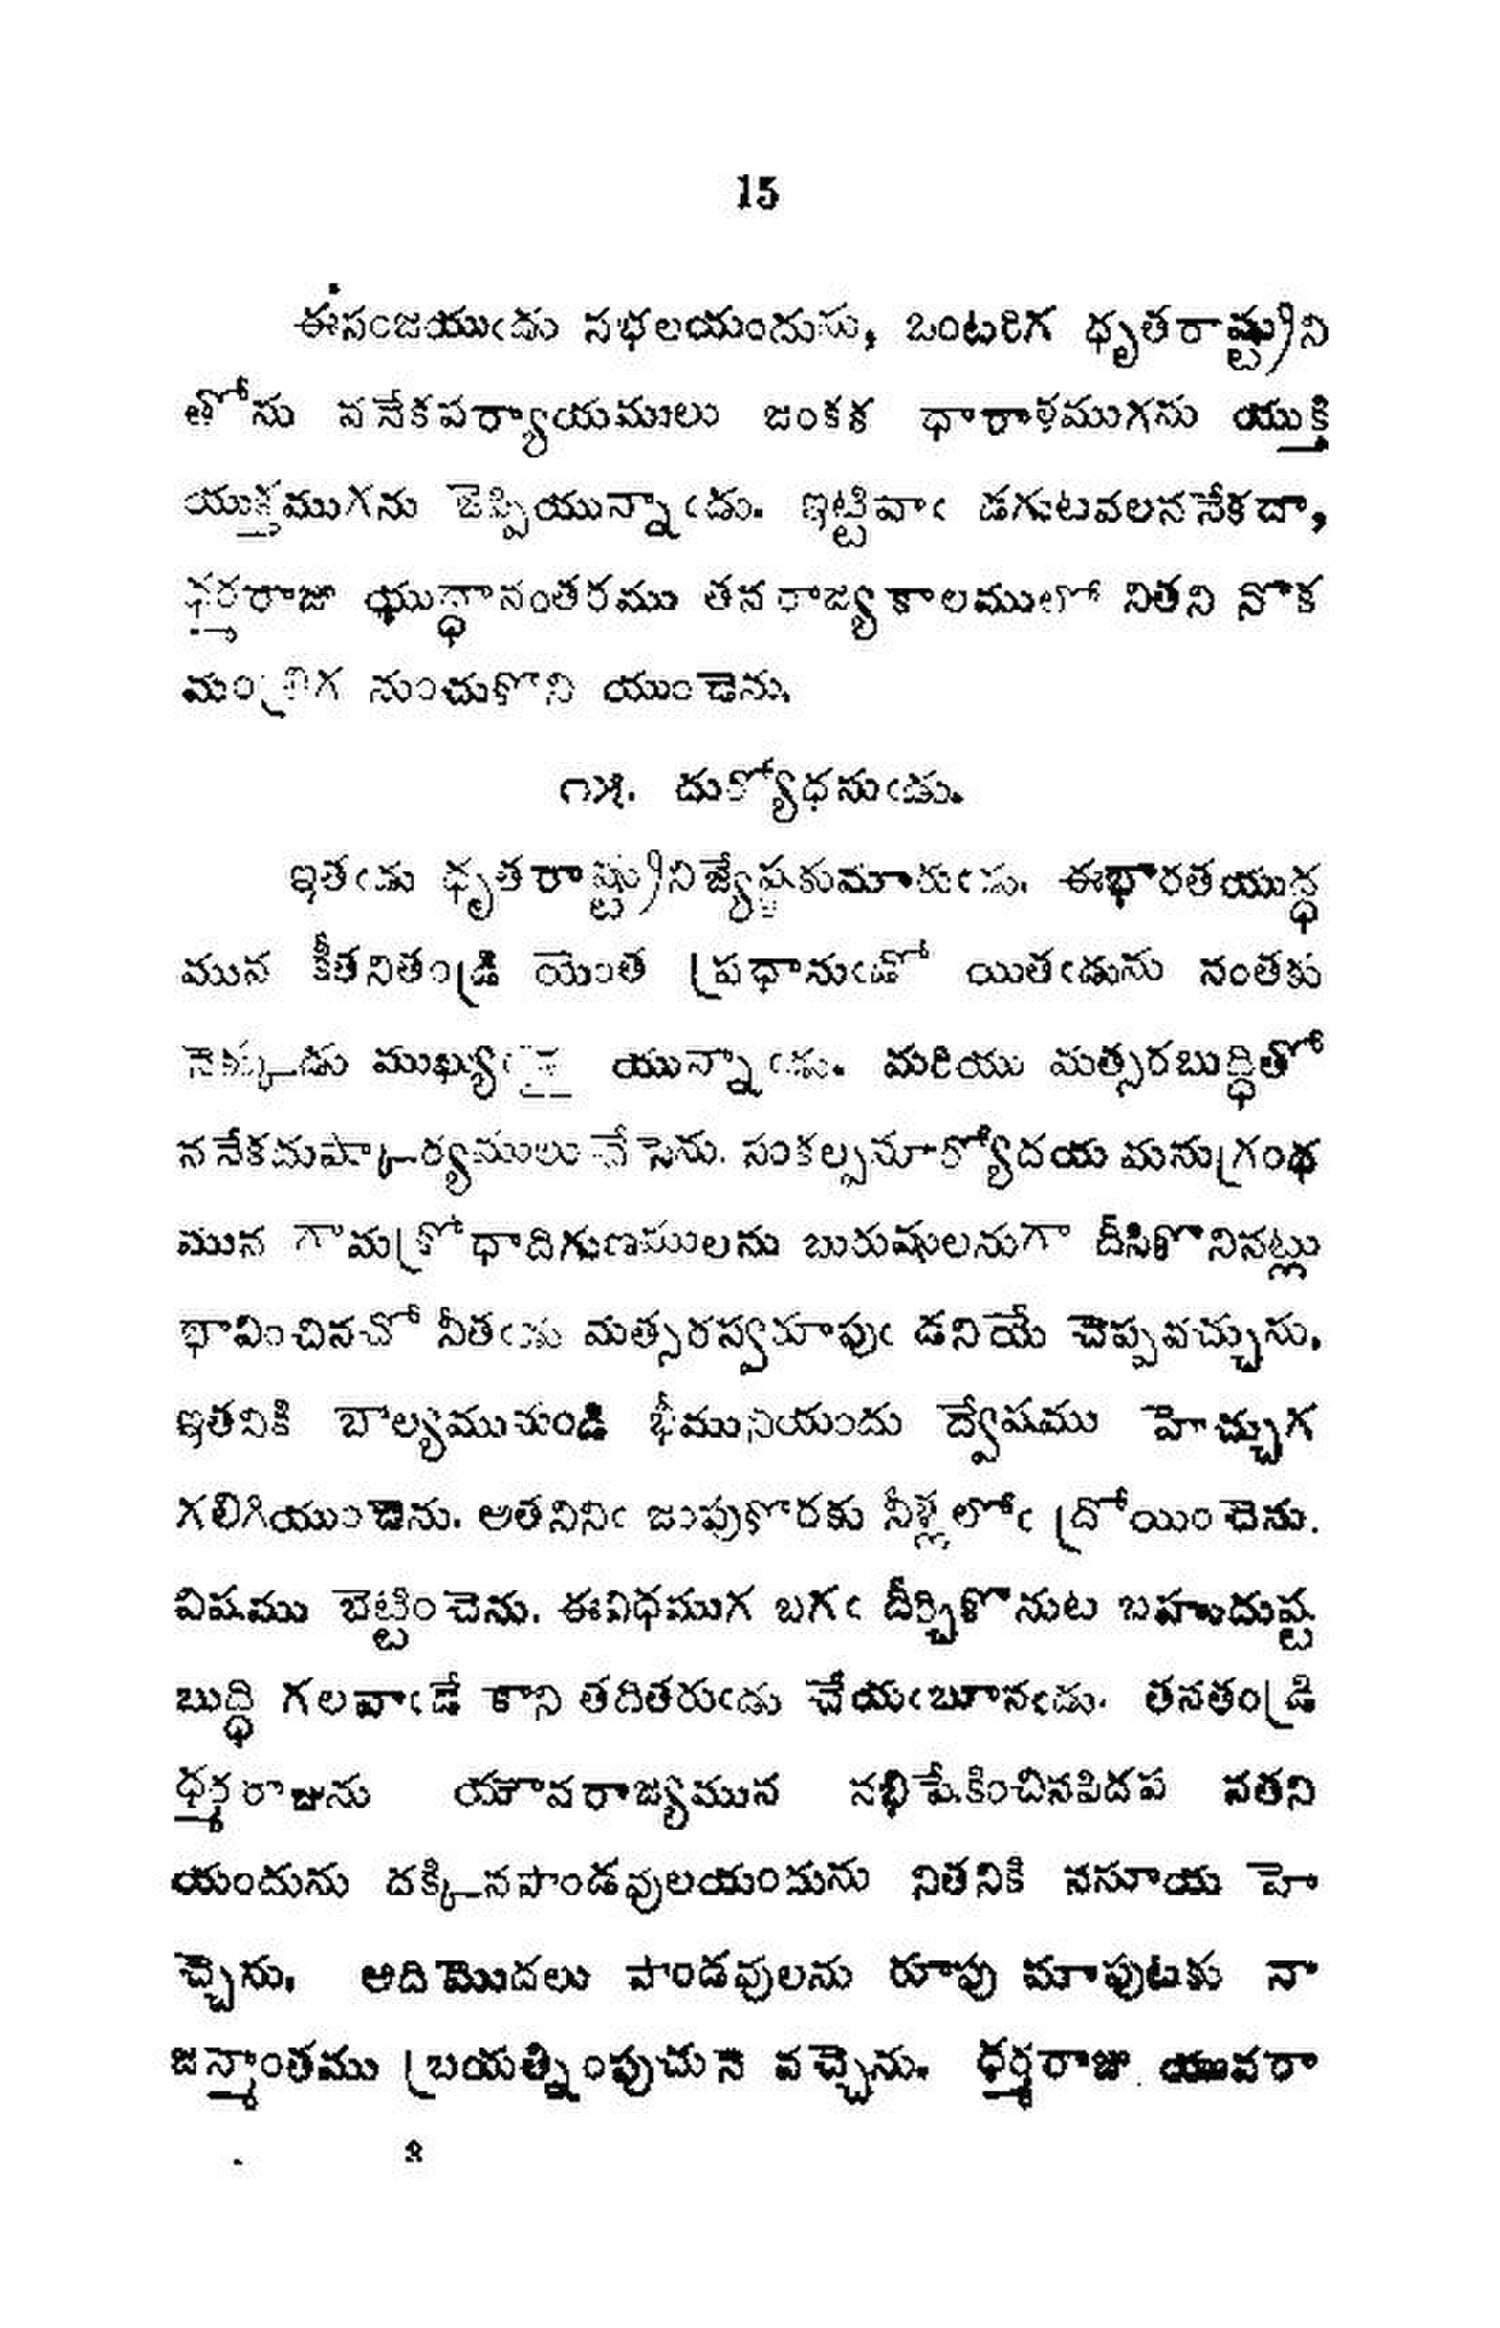ఈసంజయుఁడు సభలయందును, ఒంటరిగ ధృతరాష్ట్రునితోను ననేకపర్యాయములు జంకక ధారాళముగను యుక్తి యుక్తముగను జెప్పియున్నాఁడు. ఇట్టివాఁ డగుటవలననేకదా, ధర్మరాజు యుద్ధానంతరము తనరాజ్యకాలములో నితని నొక మంత్రిగ నుంచుకొని యుండెను.

ఇతఁడు ధృతరాష్ట్రుని జ్యేష్ఠకుమారుఁడు ఈభారతయుద్ధమున కీతనితండ్రి యెంత ప్రధానుఁడో యితఁడును నంతకు నెక్కుడు ముఖ్యుఁడై యున్నాఁడు. మరియు మత్సరబుద్ధితో ననేక దుష్కార్యములు చేసెను. సంకల్పసూర్యోదయ మనుగ్రంథమున గామక్రోధాదిగుణములను బురుషులనుగా దీసికొనినట్లు భావించినచో నీతఁడు మత్సరస్వరూపుఁ డనియే చెప్పవచ్చును.
ఇతనికి బాల్యమునుండి భీమునియందు ద్వేషము హెచ్చుగ గలిగియుండెను. అతనినిఁ జంపుకొరకు నీళ్లలోఁ ద్రోయించెను. విషము బెట్టించెను. ఈవిధముగ బగఁ దీర్చికొనుట బహుదుష్టబుద్ధి గలవాఁడే కాని తదితరుఁడు చేయఁబూనఁడు. తనతండ్రి ధర్మరాజును యౌవరాజ్యమున నభిషేకించినపిదప నతని యందును దక్కినపాండవులయందును నితనికి నసూయ హెచ్చెను. అదిమొదలు పాండవులను రూపు మాపుటకు నా జన్మాంతము బ్రయత్నింపుచునె వచ్చెను. ధర్మరాజు యువరా